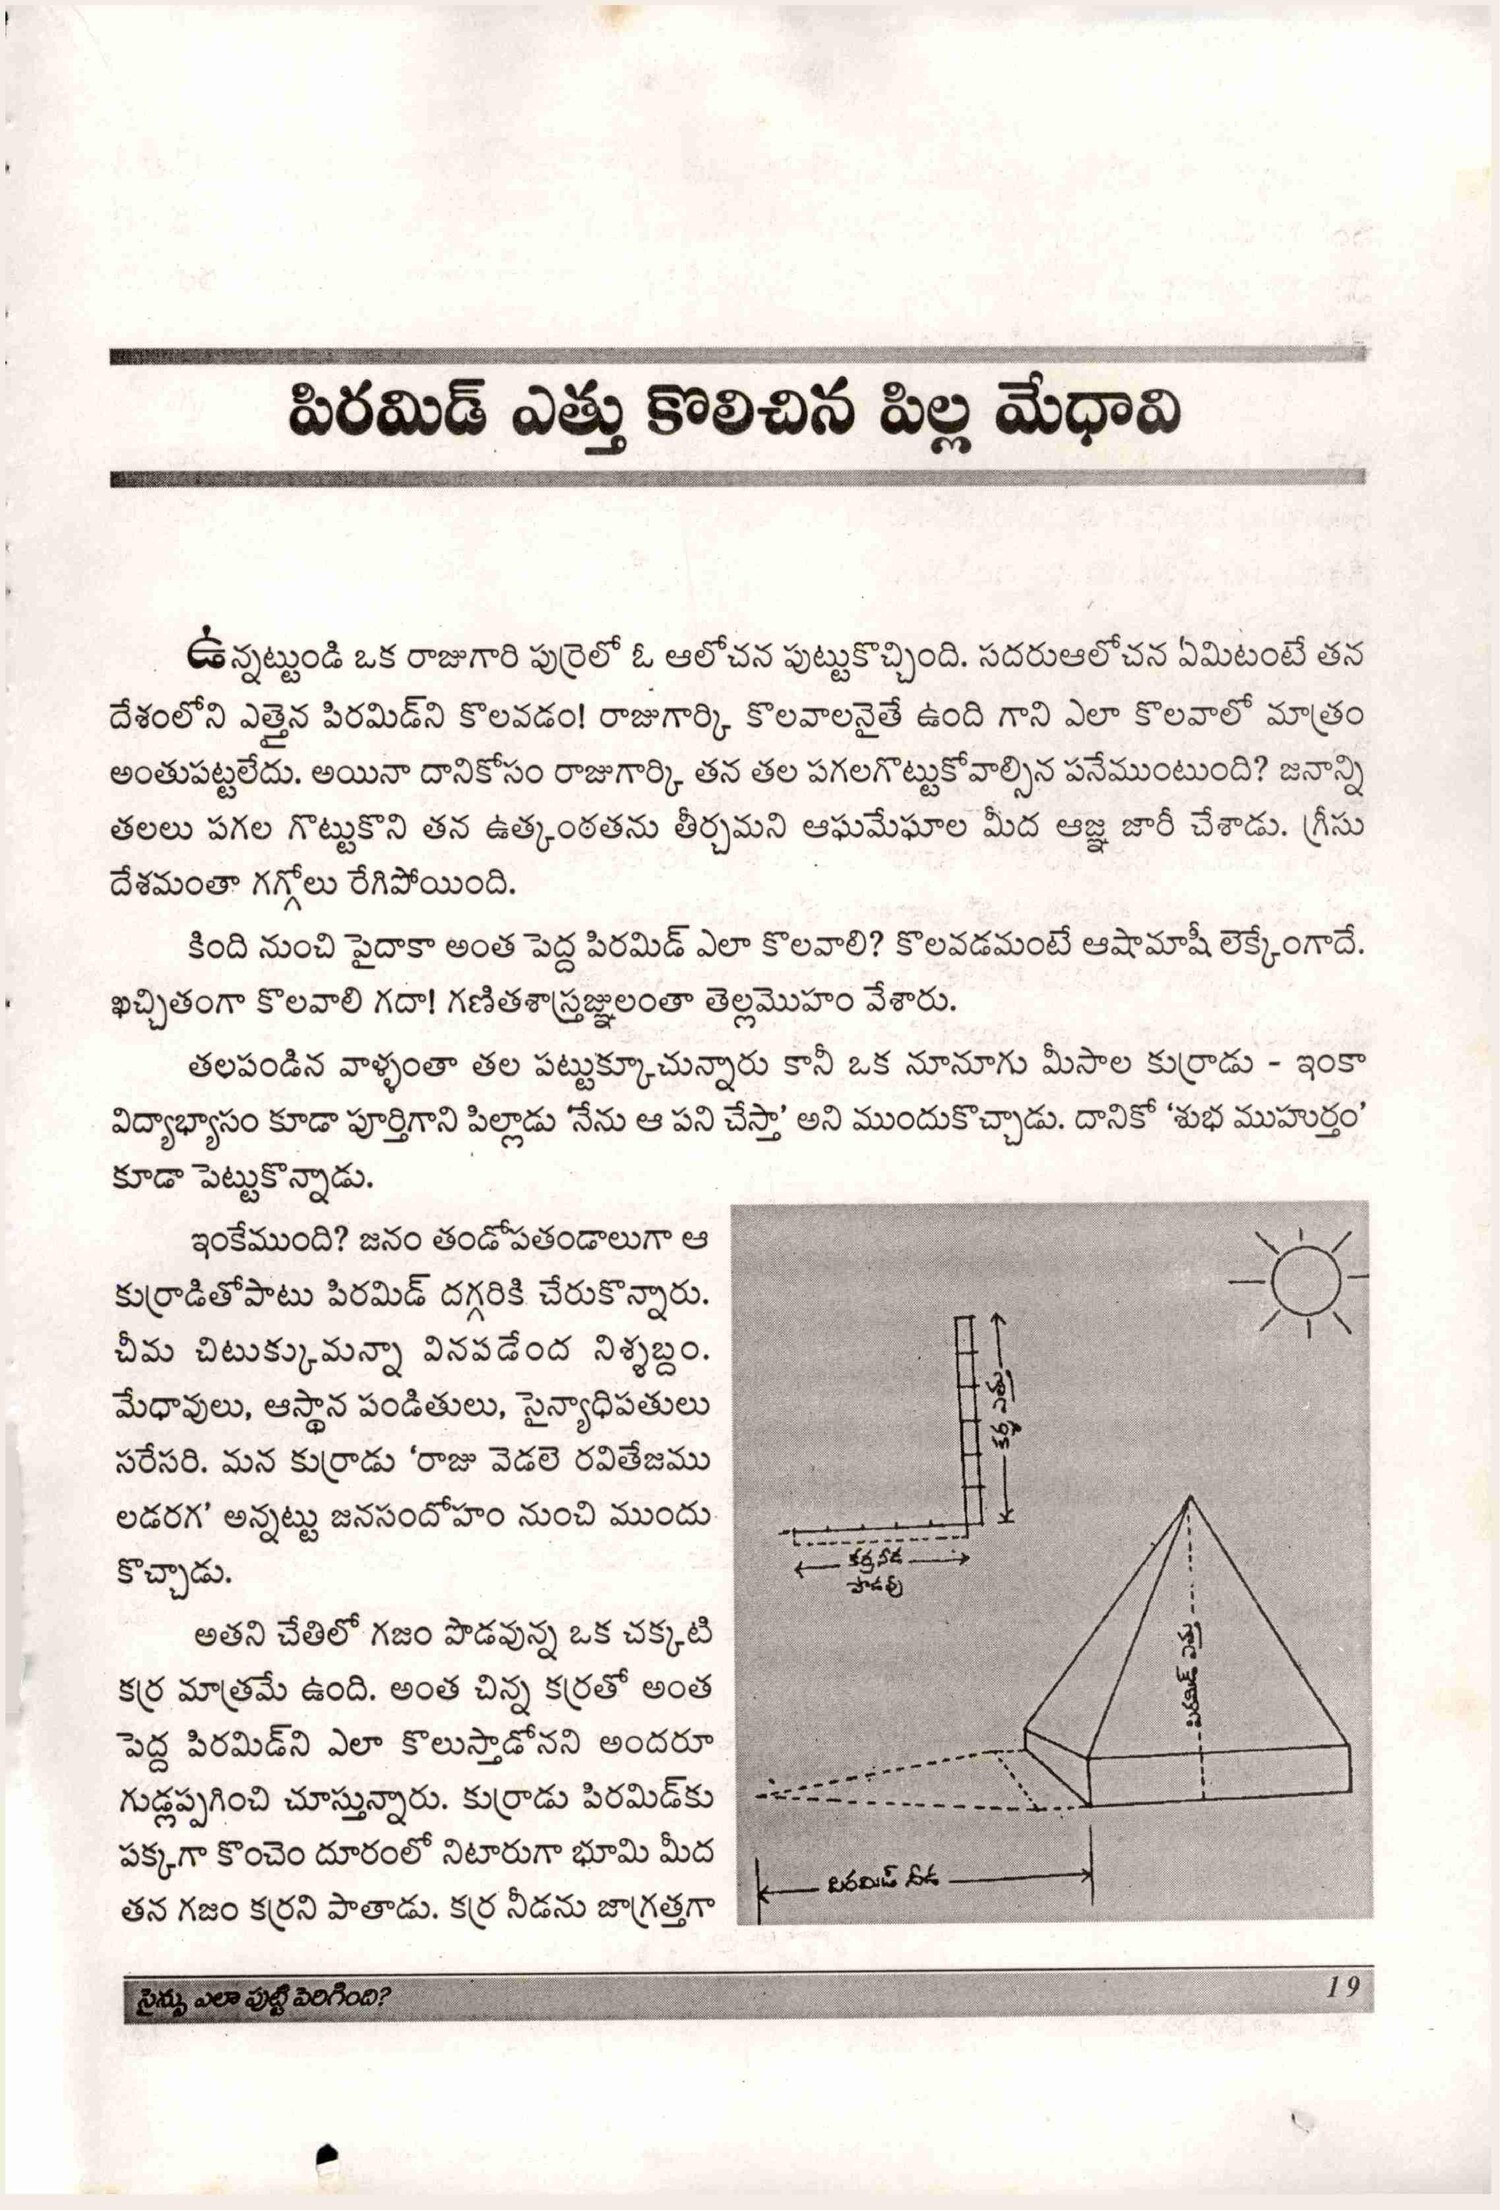పిరమిడ్ ఎత్తు కొలిచిన పిల్ల మేధావి

ఉన్నట్టుండి ఒక రాజుగారి పుర్రెలో ఓ ఆలోచన పుట్టుకొచ్చింది. సదరుఆలోచన ఏమిటంటే తన దేశంలోని ఎత్తైన పిరమిడ్‌ని కొలవడం! రాజుగార్కి కొలవాలనైతే ఉంది గాని ఎలా కొలవాలో మాత్రం అంతుపట్టలేదు. అయినా దానికోసం రాజుగార్కి తన తల పగలగొట్టుకోవాల్సిన పనేముంటుంది? జనాన్ని తలలు పగల గొట్టుకొని తన ఉత్కంఠతను తీర్చమని ఆఘమేఘాల మీద ఆజ్ఞ జారీ చేశాడు. గ్రీసు దేశమంతా గగ్గోలు రేగిపోయింది.

కింది నుంచి పైదాకా అంత పెద్ద పిరమిడ్ ఎలా కొలవాలి? కొలవడమంటే ఆషామాషీ లెక్కేంగాదే. ఖచ్చితంగా కొలవాలి గదా! గణితశాస్త్రజ్ఞులంతా తెల్లమొహం వేశారు.

తలపండిన వాళ్ళంతా తల పట్టుక్కూచున్నారు కానీ ఒక నూనూగు మీసాల కుర్రాడు - ఇంకా విద్యాభ్యాసం కూడా పూర్తిగాని పిల్లాడు 'నేను ఆ పని చేస్తా' అని ముందుకొచ్చాడు. దానికో 'శుభ ముహుర్తం' కూడా పెట్టుకొన్నాడు.

ఇంకేముంది? జనం తండోపతండాలుగా ఆ కుర్రాడితోపాటు పిరమిడ్ దగ్గరికి చేరుకొన్నారు. చీమ చిటుక్కుమన్నా వినపడేంద నిశ్శబ్దం. మేధావులు, ఆస్థాన పండితులు, సైన్యాధిపతులు సరేసరి. మన కుర్రాడు 'రాజు వెడలె రవితేజము లడరగ' అన్నట్టు జనసందోహం నుంచి ముందుకొచ్చాడు.

అతని చేతిలో గజం పొడవున్న ఒక చక్కటి కర్ర మాత్రమే ఉంది. అంత చిన్న కర్రతో అంత పెద్ద పిరమిడ్‌ని ఎలా కొలుస్తాడోనని అందరూ గుడ్లప్పగించి చూస్తున్నారు. కుర్రాడు పిరమిడ్‌కు పక్కగా కొంచెం దూరంలో నిటారుగా భూమి మీద తన గజం కర్రని పాతాడు. కర్ర నీడను జాగ్రత్తగా